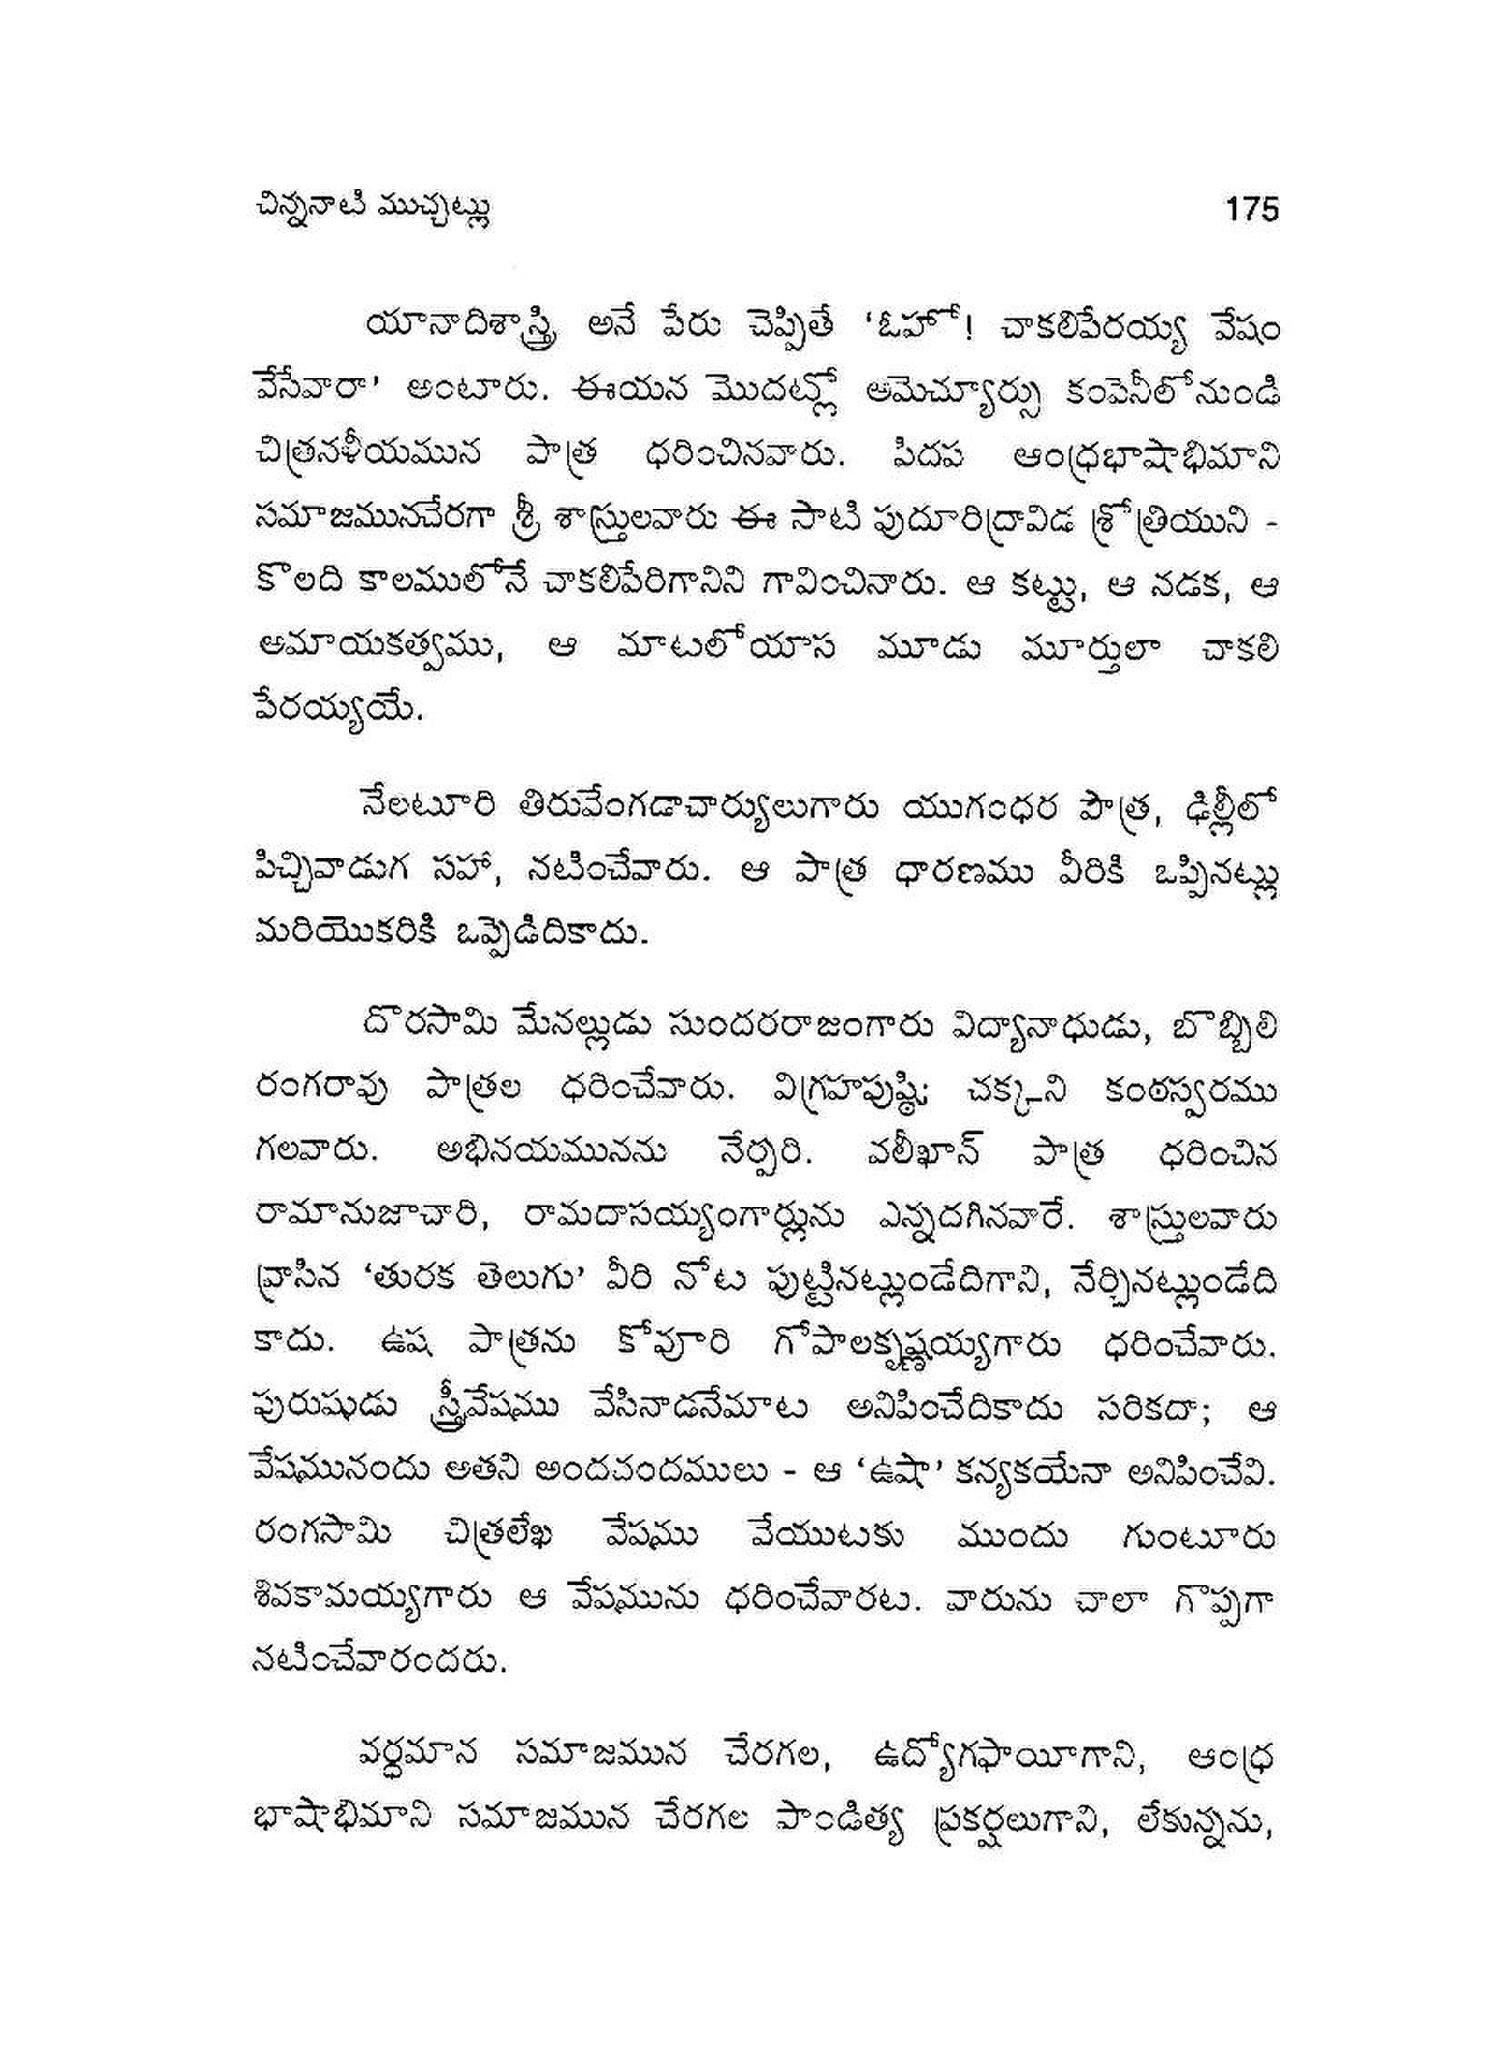యానాదిశాస్త్రి అనే పేరు చెప్పితే 'ఓహో! చాకలిపేరయ్య వేషం వేసేవారా' అంటారు. ఈయన మొదట్లో అమెచ్యూర్సు కంపెనీలోనుండి చిత్రనళీయమున పాత్ర ధరించినవారు. పిదప ఆంధ్రభాషాభిమాని సమాజమునచేరగా శ్రీ శాస్త్రులవారు ఈ సాటి పుదూరిద్రావిడ శ్రోత్రియని - కొలది కాలములోనే చాకలిపేరిగానిని గావించినారు. ఆ కట్టు, ఆ నడక, ఆ అమాయకత్వము, ఆ మాటలో యాస మూడు మూర్తులా చాకలి పేరయ్యయే.

నేలటూరి తిరువేంగడాచార్యులుగారు యుగంధర పాత్ర, ఢిల్లీలో పిచ్చివాడుగ సహా, నటించేవారు. ఆ పాత్ర ధారణము వీరికి ఒప్పినట్టు మరియొకరికి ఒప్పెడిదికాదు.

దొరసామి మేనల్లుడు సుందరరాజంగారు విద్యానాధుడు, బొబ్బిలి రంగరావు పాత్రల ధరించేవారు. విగ్రహపుష్టి; చక్కని కంఠస్వరము గలవారు. అభినయమునను నేర్పరి. వలీఖాన్ పాత్ర ధరించిన రామానుజాచారి, రామదాసయ్యంగార్లును ఎన్నదగినవారే. శాస్త్రులవారు వ్రాసిన 'తురక తెలుగు' వీరి నోట పుట్టినట్లుండేదిగాని, నేర్చినట్లుండేది కాదు. ఉప పాత్రను కోవూరి గోపాలకృష్ణయ్యగారు ధరించేవారు. పురుషుడు స్త్రీవేషము వేసినాడనేమాట అనిపించేదికాదు సరికదా; ఆ వేషమునందు అతని అందచందములు - ఆ 'ఉషా' కన్యకయేనా అనిపించేవి. రంగసామి చిత్రలేఖ వేషము వేయుటకు ముందు గుంటూరు శివకామయ్యగారు ఆ వేషమును ధరించేవారట. వారును చాలా గొప్పగా నటించేవారందరు.

వర్ధమాన సమాజమున చేరగల, ఉద్యోగఫాయీగాని, ఆంధ్రభాషాభిమాని సమాజమున చేరగల పాండిత్య ప్రకర్షలుగాని, లేకున్నను,